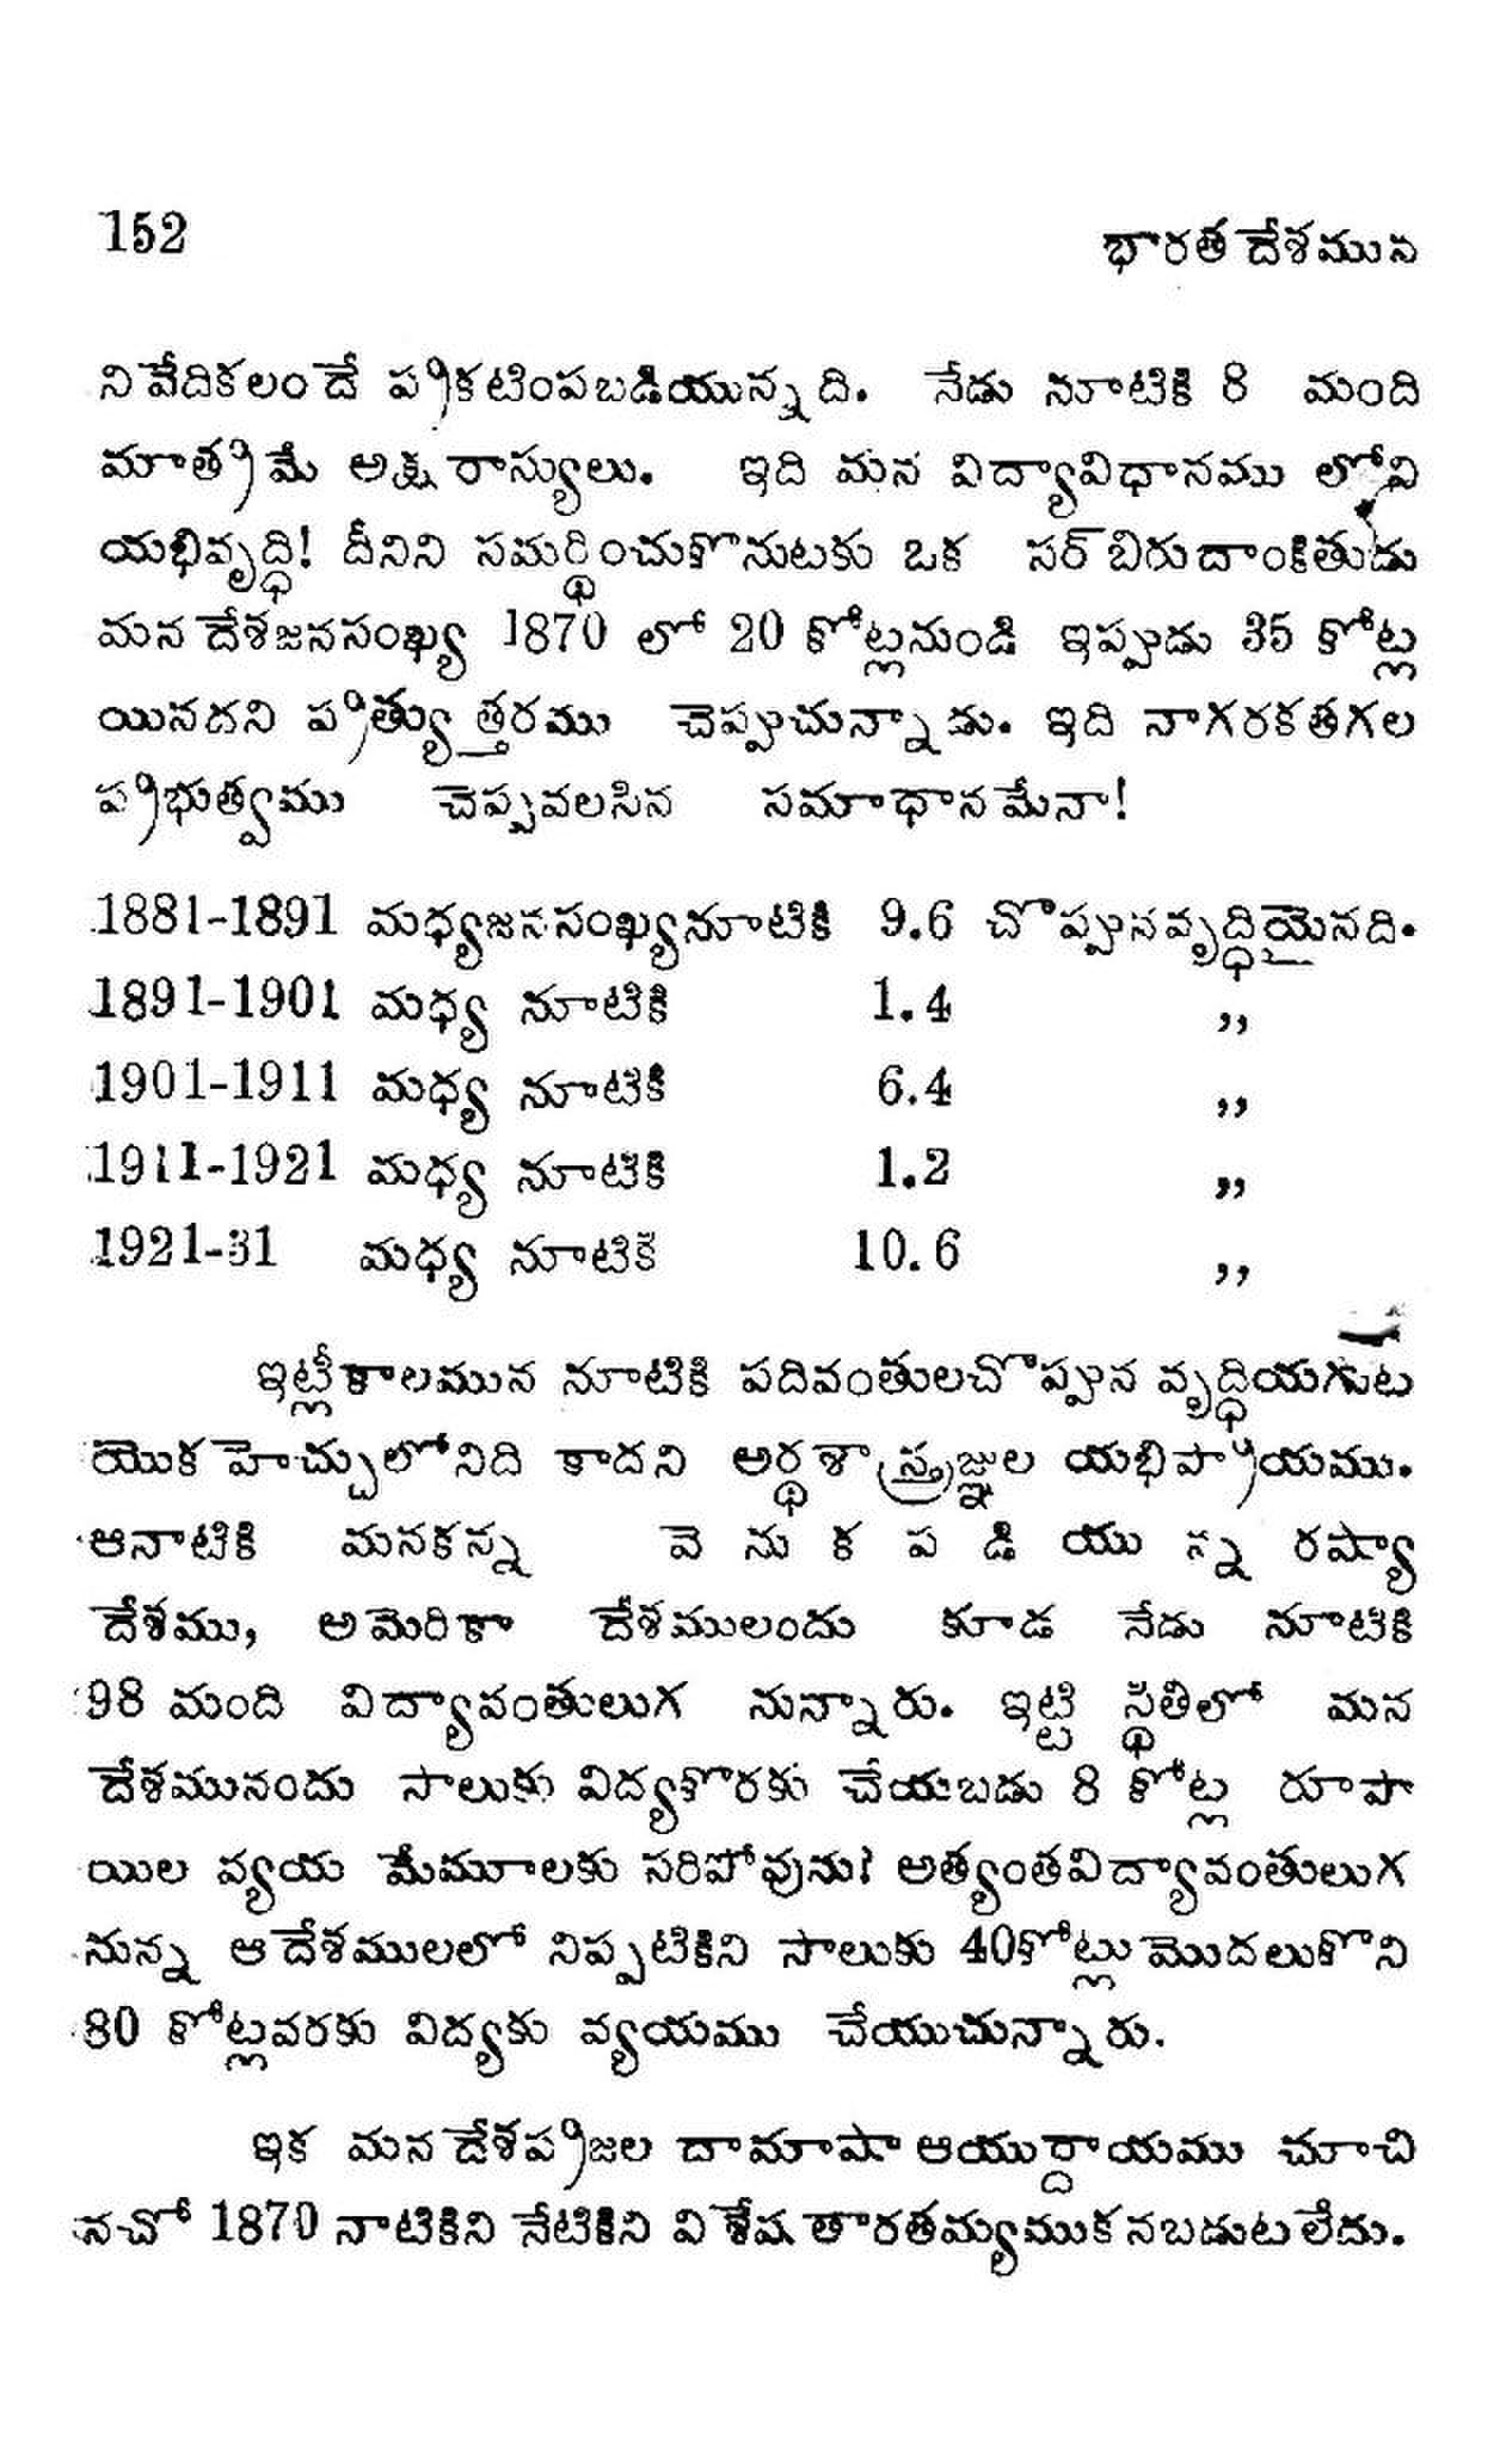నివేదికలందే ప్రకటింపబడియున్నది. నేడు నూటికి 8 మంది మాత్రమే అక్షరాస్యులు. ఇది మన విద్యావిధానము లోని యభివృద్ధి! దీనిని సమర్థించుకొనుటకు ఒక సర్ బిరుదాంకితుడు మనదేశజనసంఖ్య 1870 లో 20 కోట్ల నుండి ఇప్పుడు 35 కోట్లయినదని పత్యుత్తరము చెప్పుచున్నాడు. ఇది నాగరకతగల ప్రభుత్వము చెప్పవలసిన సమాధానమేనా! 
 1881-1891 మధ్యజనసంఖ్యనూటికి 9.6 చొప్పునవృద్ధియైనది. 1891-1901 మధ్యనూటికి 1.4 చొప్పునవృద్ధియైనది. 1901-1911 మధ్యనూటికి 6.4 చొప్పునవృద్ధియైనది. 1911-1921 మధ్యనూటికి 1.2 చొప్పునవృద్ధియైనది. 1921-1931 మధ్యనూటికి 10.6 చొప్పునవృద్ధియైనది

ఇట్లీకాలమున నూటికి పదివంతులచొప్పున వృద్ధియగుట యొక హెచ్చులోనిది కాదని అర్థశాస్త్రజ్ఞుల యభిప్రాయము. ఆనాటికి మనకన్న వెనుకపడియున్న రష్యాదేశము, అమెరికా దేశములందు కూడ నేడు నూటికి 98 మంది విద్యావంతులుగ నున్నారు. ఇట్టి స్థితిలో మన దేశమునందు సాలుకు విద్యకొరకు చేయబడు 8 కోట్ల రూపాయిల వ్యయ మేమూలకు సరిపోవును! అత్యంతవిద్యావంతులుగ నున్న ఆదేశములలో నిప్పటికిని సాలుకు 40కోట్లు మొదలుకొని 80 కోట్లవరకు విద్యకు వ్యయము చేయుచున్నారు,

ఇక మనదేశప్రజల దామాషా ఆయుర్దాయము చూచినచో 1870 నాటికిని నేటికిని విశేషతారతమ్యముకనబడుట లేదు.